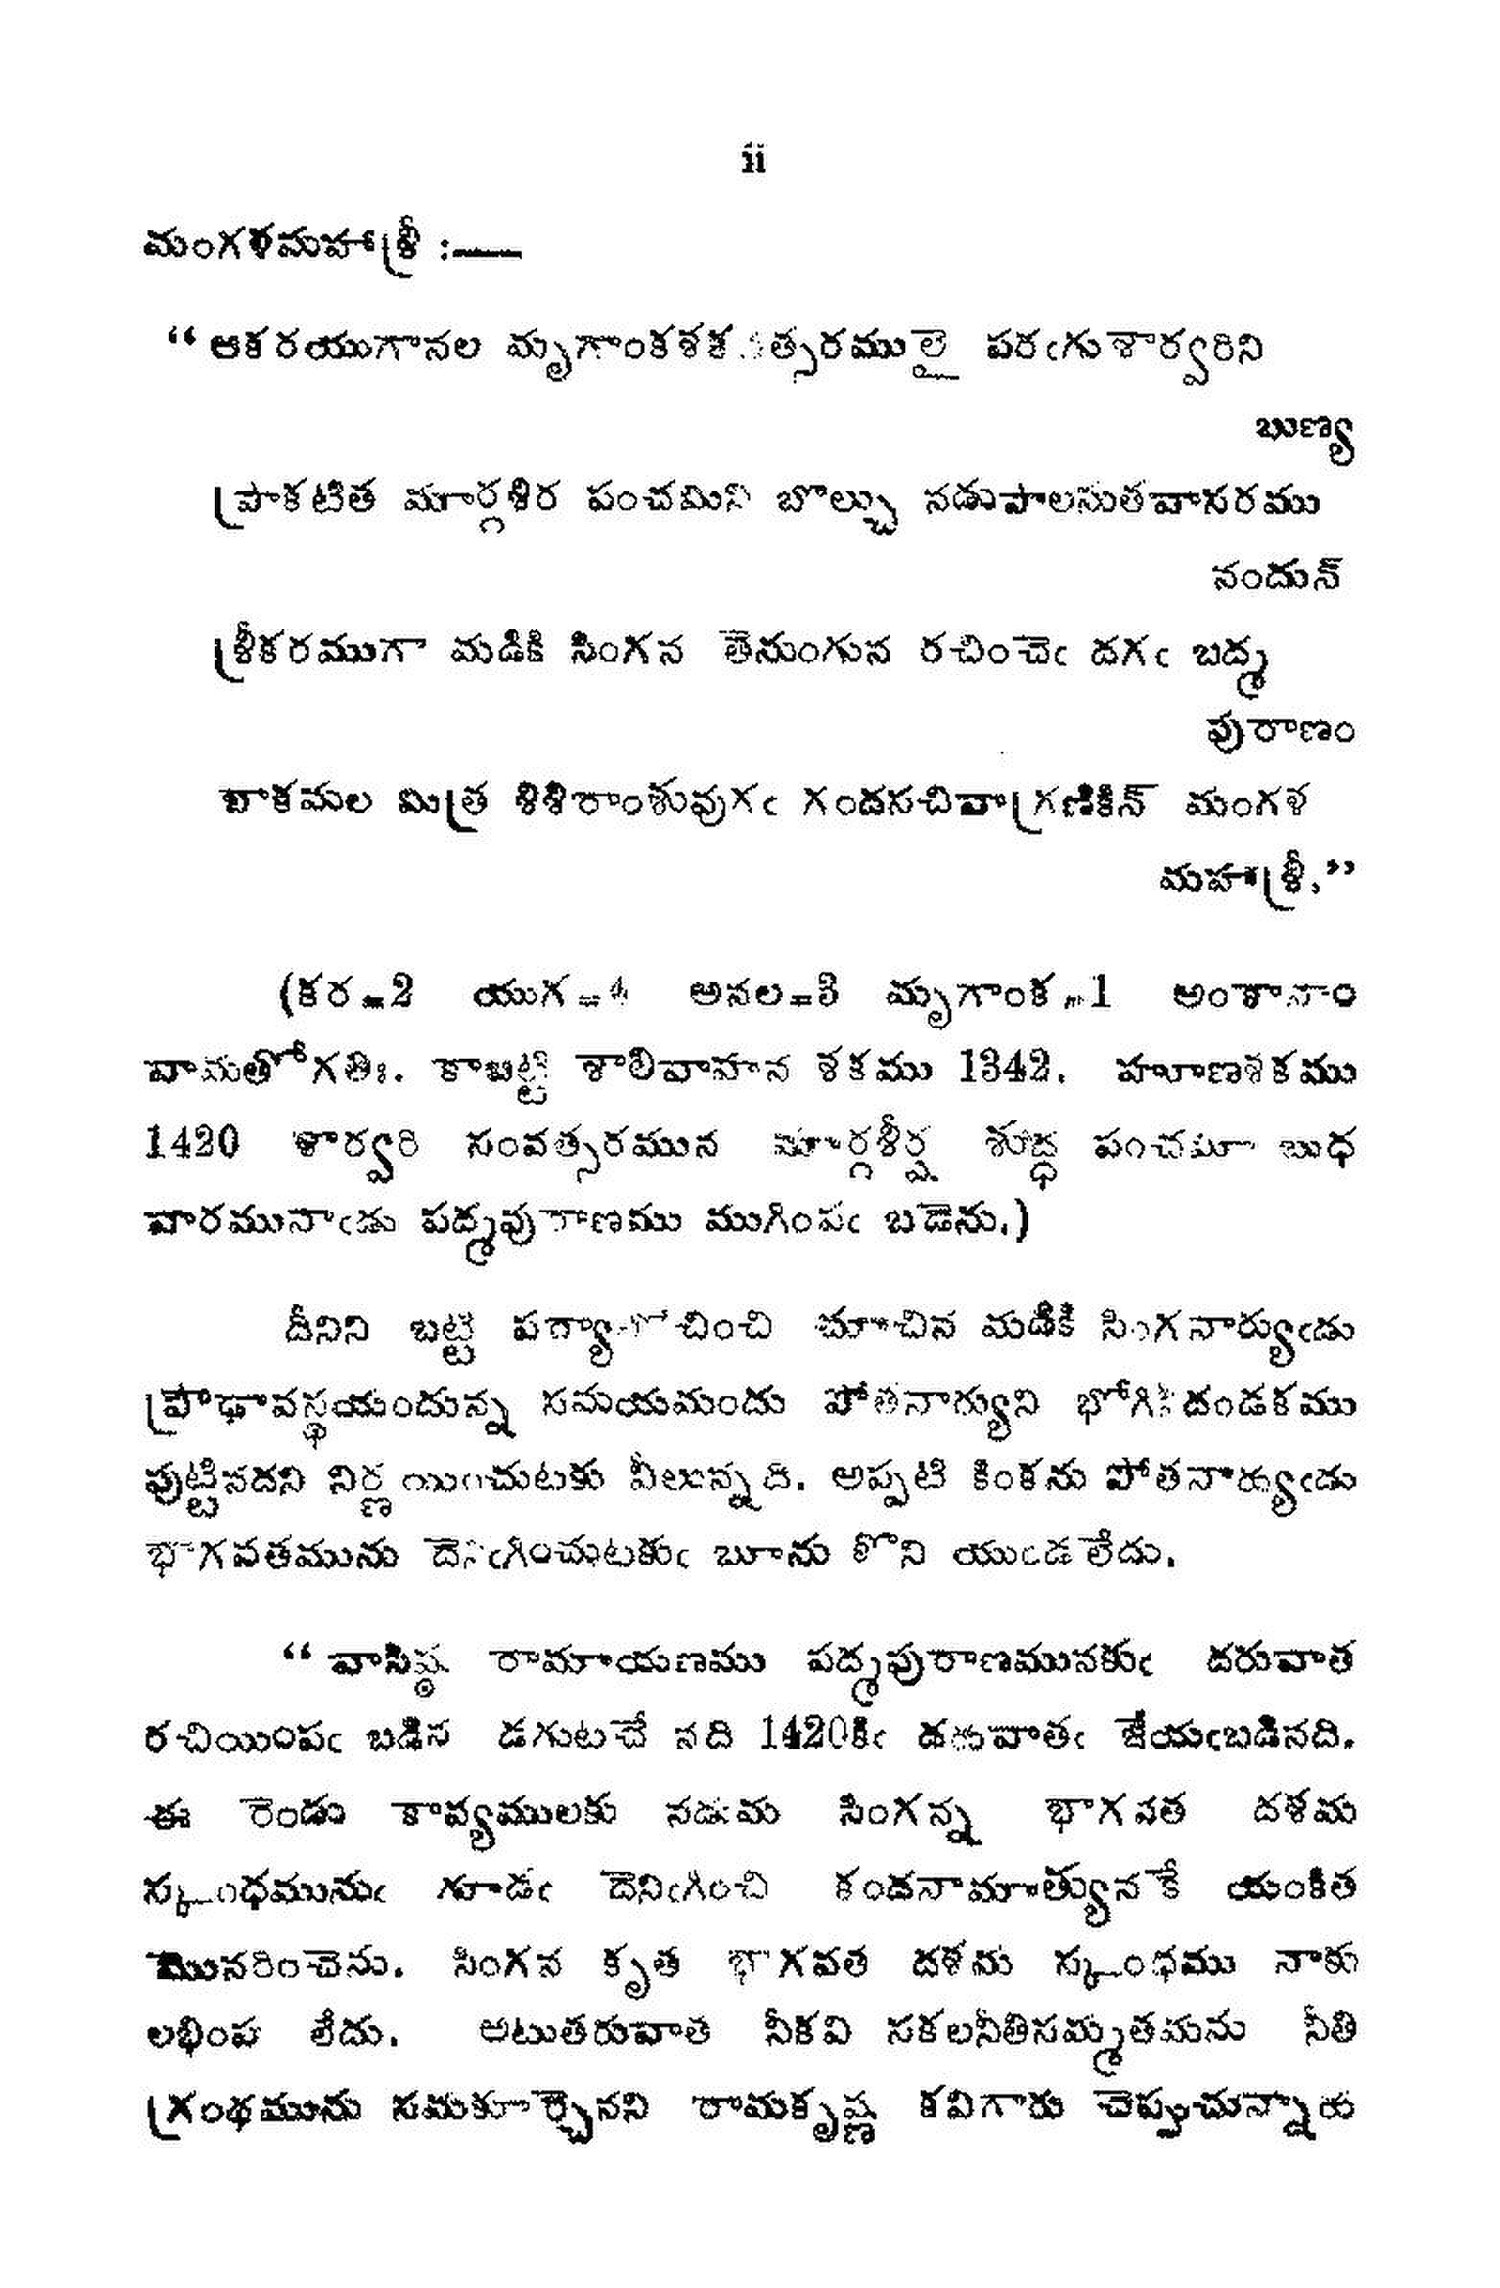(కర = 2 యుగ = 4 అనల = 3 మృగాంక = 1 అంకానాం వామతోగతిః. కాబట్టి శాలివాహనశకము 1342. హూణశకము 1420 శార్వరి సంవత్సరమున మార్గశీర్ష శుద్ధ పంచమీ బుధవారమునాఁడు పద్మపురాణము ముగింపఁబడెను.)

దీనిని బట్టి పర్యాలోచించి చూచిన మడికి సింగనార్యుఁడు ప్రౌఢావస్థ యందున్న సమయమందు పోతనార్యుని భోగినీదండకము పుట్టినదని నిర్ణయించుటకు వీలున్నది. అప్పటికింకను పోతనార్యుఁడు భాగవతమును దెనిఁగించుటకుఁ బూనుకొని యుండలేదు. 

“వాసిష్ఠ రామాయణము పద్మపురాణమునకుఁ దరువాత రచయింపఁబడిన దగుటచే నది 1420కిఁ దరువాతఁ జేయఁబడినది. ఈ రెండుకావ్యములకు నడుమ సింగన్న భాగవత దశమస్కంధమునుఁ గూడఁ దెనిఁగించి కందనామాత్యునికే అంకిత మొనరించెను. సింగన కృత భాగవత దశమస్కంధము నాకు లభింపలేదు. అటుతరువాత నీకవి సకలనీతిసమ్మత మను నీతిగ్రంథమును సమకూర్చె నని రామకృష్ణ కవిగారు చెప్పుచున్నారు.